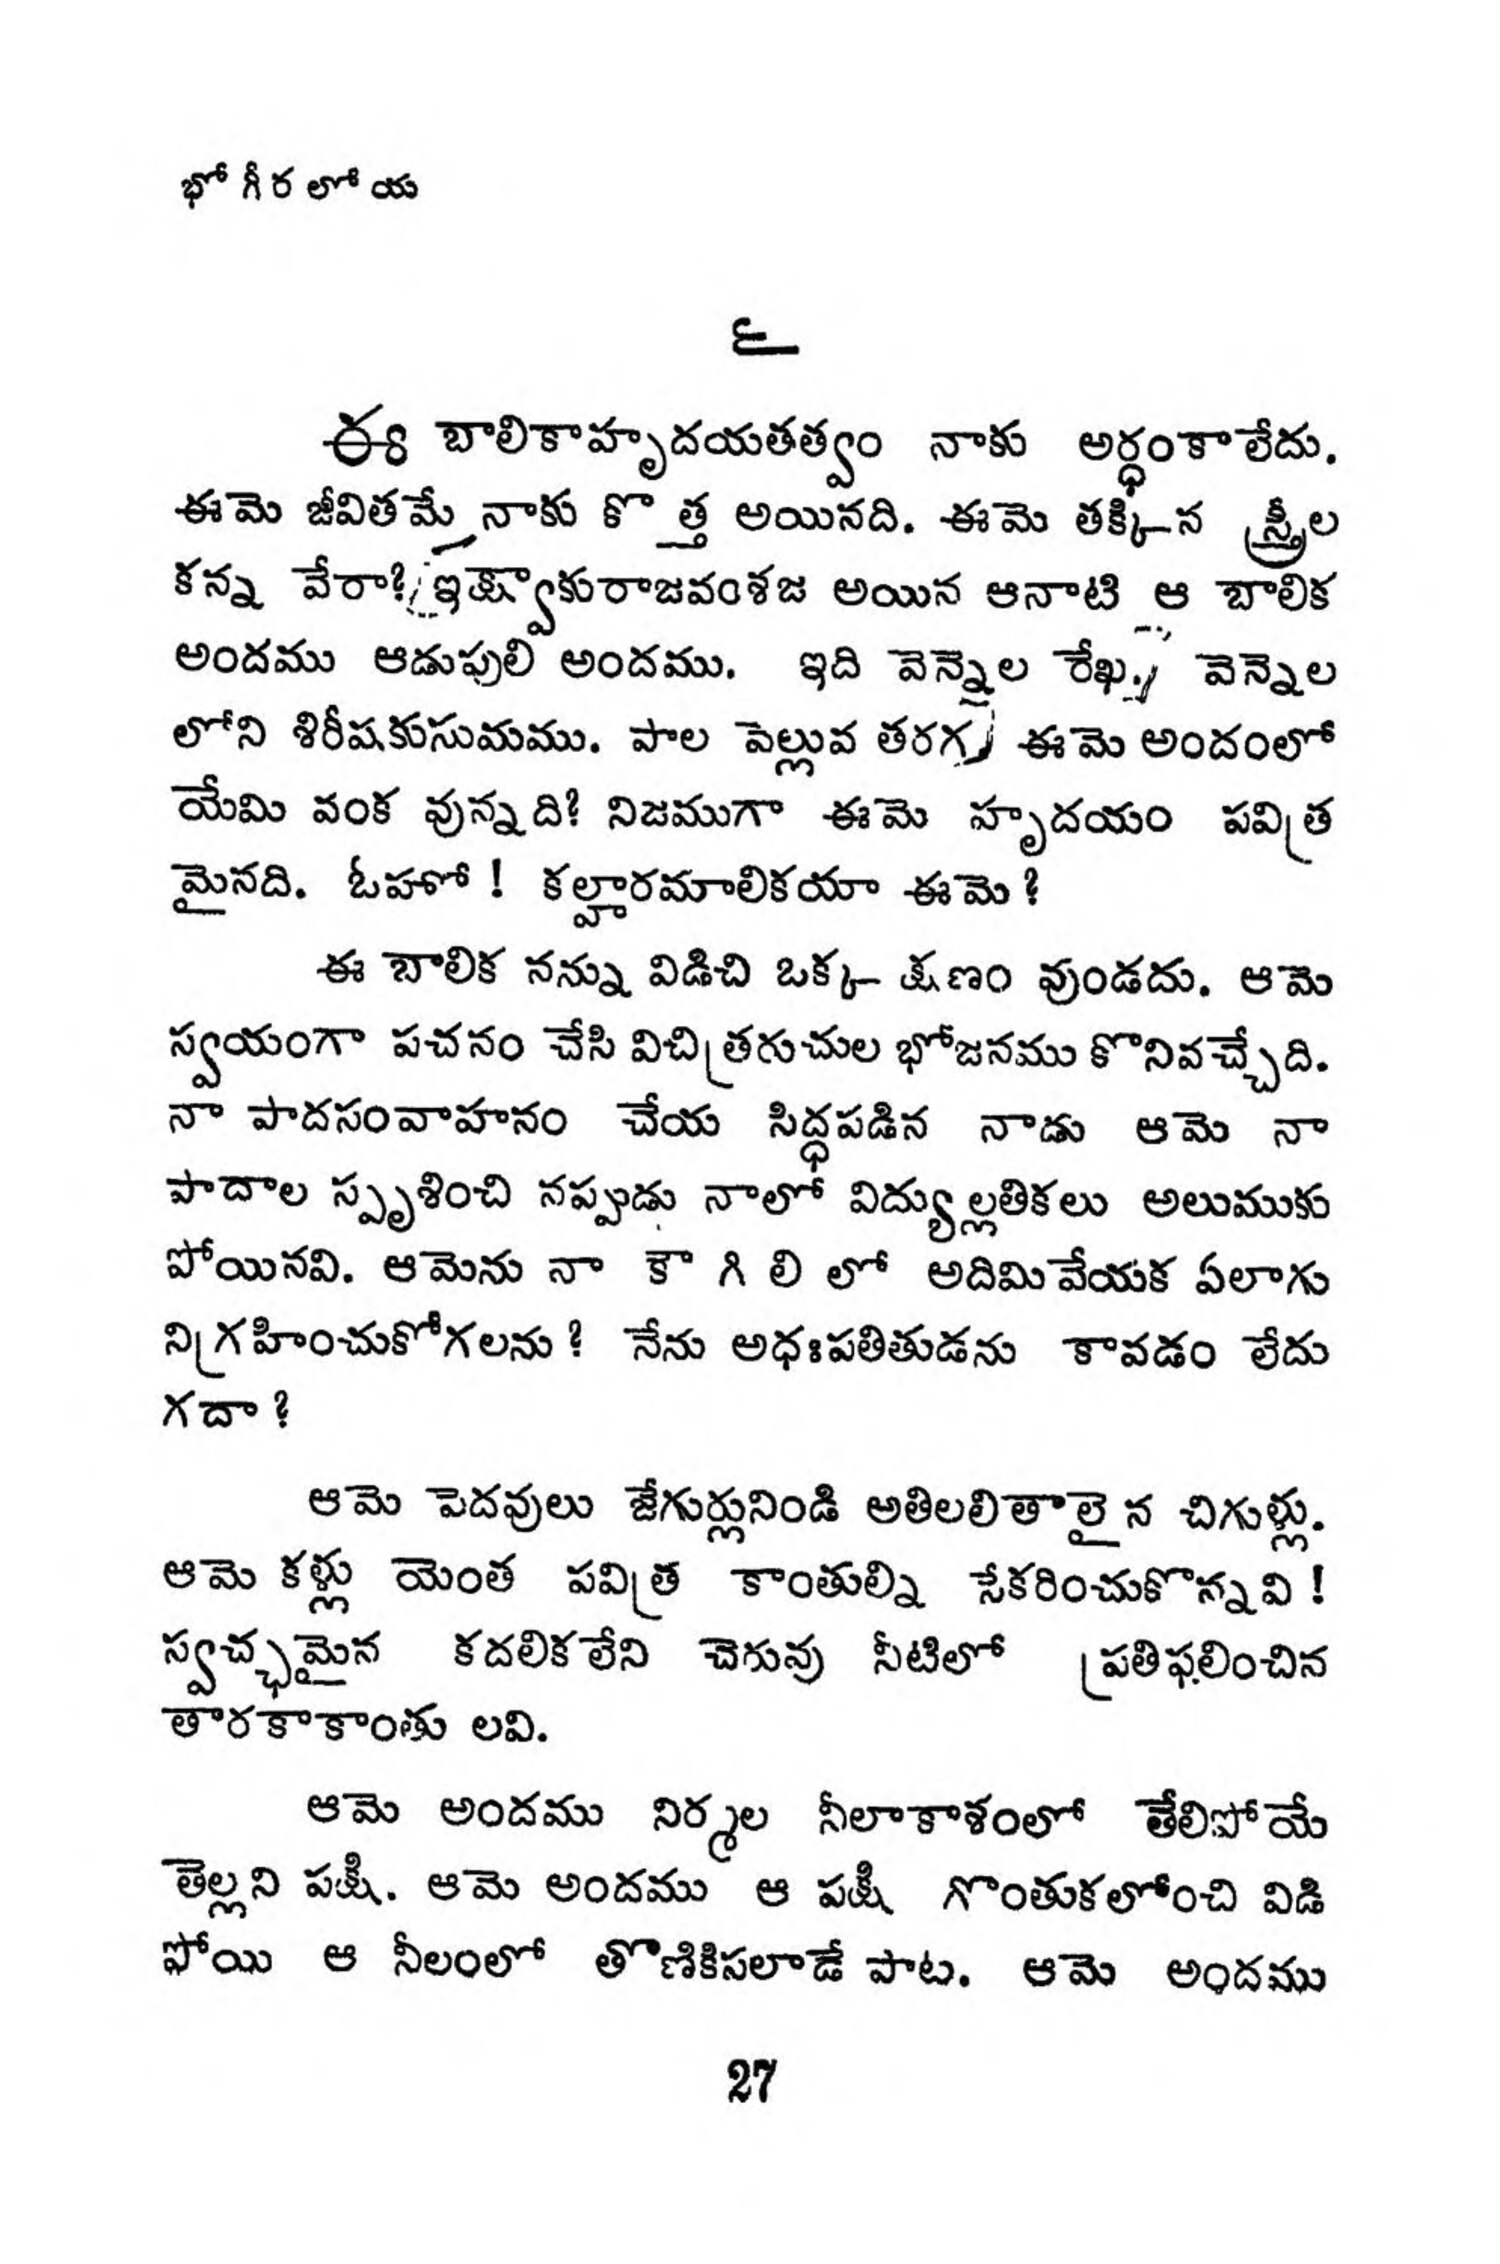6
ఈ బాలికాహృదయతత్వం నాకు అర్థంకాలేదు. ఈమె జీవితమే నాకు కొత్త అయినది. ఈమె తక్కిన స్త్రీల కన్న వేరా? ఇక్ష్వాకురాజవంశజ అయిన ఆనాటి ఆ బాలిక అందము ఆడుపులి అందము. ఇది వెన్నెల రేఖ. వెన్నెలలోని శిరీషకుసుమము. పాల వెల్లువ తరగ ఈమె అందంలో యేమి వంక వున్నది? నిజముగా ఈమె హృదయం పవిత్రమైనది. ఓహో! కల్హారమాలికయా ఈమె?

ఈ బాలిక నన్ను విడిచి ఒక్క క్షణం వుండదు. ఆమె స్వయంగా పచనం చేసి విచిత్రరుచుల భోజనము కొనివచ్చేది. నా పాదసంవాహనం చేయ సిద్ధపడిన నాడు ఆమె నా పాదాల స్పృశించి నప్పుడు నాలో విద్యుల్లతికలు అలుముకు పోయినవి. ఆమెను నా కౌగిలిలో అదిమివేయక ఏలాగు నిగ్రహించుకోగలను? నేను అధఃపతితుడను కావడం లేదు గదా?

ఆమె పెదవులు జేగుర్లునిండి అతిలలితాలైన చిగుళ్లు. ఆమె కళ్లు యెంత పవిత్ర కాంతుల్ని సేకరించుకొన్నవి! స్వచ్ఛమైన కదలికలేని చెరువు నీటిలో ప్రతిఫలించిన తారకాకాంతు లవి.

ఆమె అందము నిర్మల నీలాకాశంలో తేలిపోయే తెల్లని పక్షి. ఆమె అందము ఆ పక్షి గొంతుకలోంచి విడిపోయి ఆ నీలంలో తొణికిసలాడే పాట, ఆమె అందము